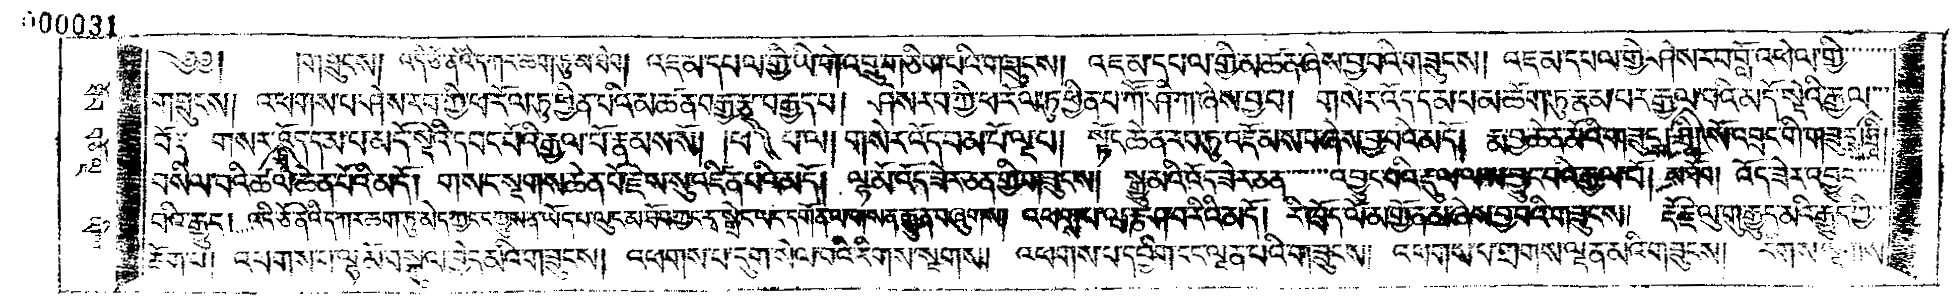༄༅། །གཟུངས། འདི་ཅོ་ནེའི་དཀར་ཆག་ཏུ་མ་ཐེབ།  འཇམ་དཔལ་གྱི་ཡི་གེ་འབྲུ་གཅིག་པའི་གཟུངས། འཇམ་དཔལ་གྱི་མཚན་ཞེས་བྱ་བའི་གཟུངས། འཇམ་དཔལ་གྱི་ཤེས་རབ་བློ་འཕེལ་གྱི་
གཟུངས། འཕགས་པ་ཤེས་རབ་ཀྱི་ཕ་རོལ་ཏུ་ཕྱིན་པའི་མཚན་བརྒྱ་རྩ་བརྒྱད་པ། ཤེས་རབ་ཀྱི་ཕ་རོལ་ཏུ་ཕྱིན་པ་ཀཽ་ཤིག་ཀ་ཞེས་བྱ་བ། གསེར་འོད་དམ་པ་མཆོག་ཏུ་རྣམ་པར་རྒྱལ་བའི་མདོ་སྡེའི་རྒྱལ་
བོ༑ གསར་༼ཤྲཱི༽་འོད་དམ་པ་མདོ་སྡེའི་དབང་པོའི་རྒྱལ་པོ་རྣམས་སོ། །ཕ༼༽ པ་ལ། གསེར་འོད་བམ་པོ་ལྔ་པ། སྟོང་ཆེན་རབ་ཏུ་འཇོམས་པ་ཞེས་བྱ་བའི་མདོ། རྨ་བྱ་ཆེན་མོའི་གཟུངས། ༼ཤྲཱི༽ སོ་འབྲང་གི་གཟུངས། ༼ཤྲཱི༽
བསིལ་བའི་ཚལ་ཆེན་པོའི་མདོ། གསང་སྔགས་ཆེན་པོ་རྗེས་སུ་འཛིན་པའི་མདོ། ལྷ་མོ་འོད་ཟེར་ཅན་གྱི་གཟུངས། སྒྱུ་མའི་འོད་ཟེར་ཅན་འབྱུང་བའི་རྡུལ་ལས་བྱུང་བའི་རྒྱལ་པོ་མ་ཐོབ།  འོད་ཟེར་འབྱུང་
བའི་རྒྱུད། འདི་ཅོ་ནེའི་དཀར་ཆག་ཏུ་མེད་ཀྱང་དཀྱུས་ན་ཡོད་པ་ལུང་མ་ཐོབ་ཀྱང་རྭ་སྒྲེང་ཡང་དགོན་ལ་གསན་རྒྱུན་བཞུགས།  འཕགས་པ་ཝ་རྞ་ཤ་བ་རིའི་མདོ། རི་ཁྲོད་ལོ་མ་གྱོན་མ་ཞེས་བྱ་བའི་གཟུངས། རྡོ་རྗེ་ལུ་གུ་རྒྱུད་མའི་རྒྱུད་ཀྱི་
རྡོག་པ། འཕགས་པ་ལྷ་མོ་བསྐུལ་བྱེད་མའི་གཟུངས། འཕགས་པ་དུག་སེལ་བའི་རིགས་སྔགས། འཕགས་པ་དབྱིག་དང་ལྡན་པའི་གཟུངས། འཕགས་པ་གྲགས་ལྡན་མའི་གཟུངས། རིགས་སྔགས་